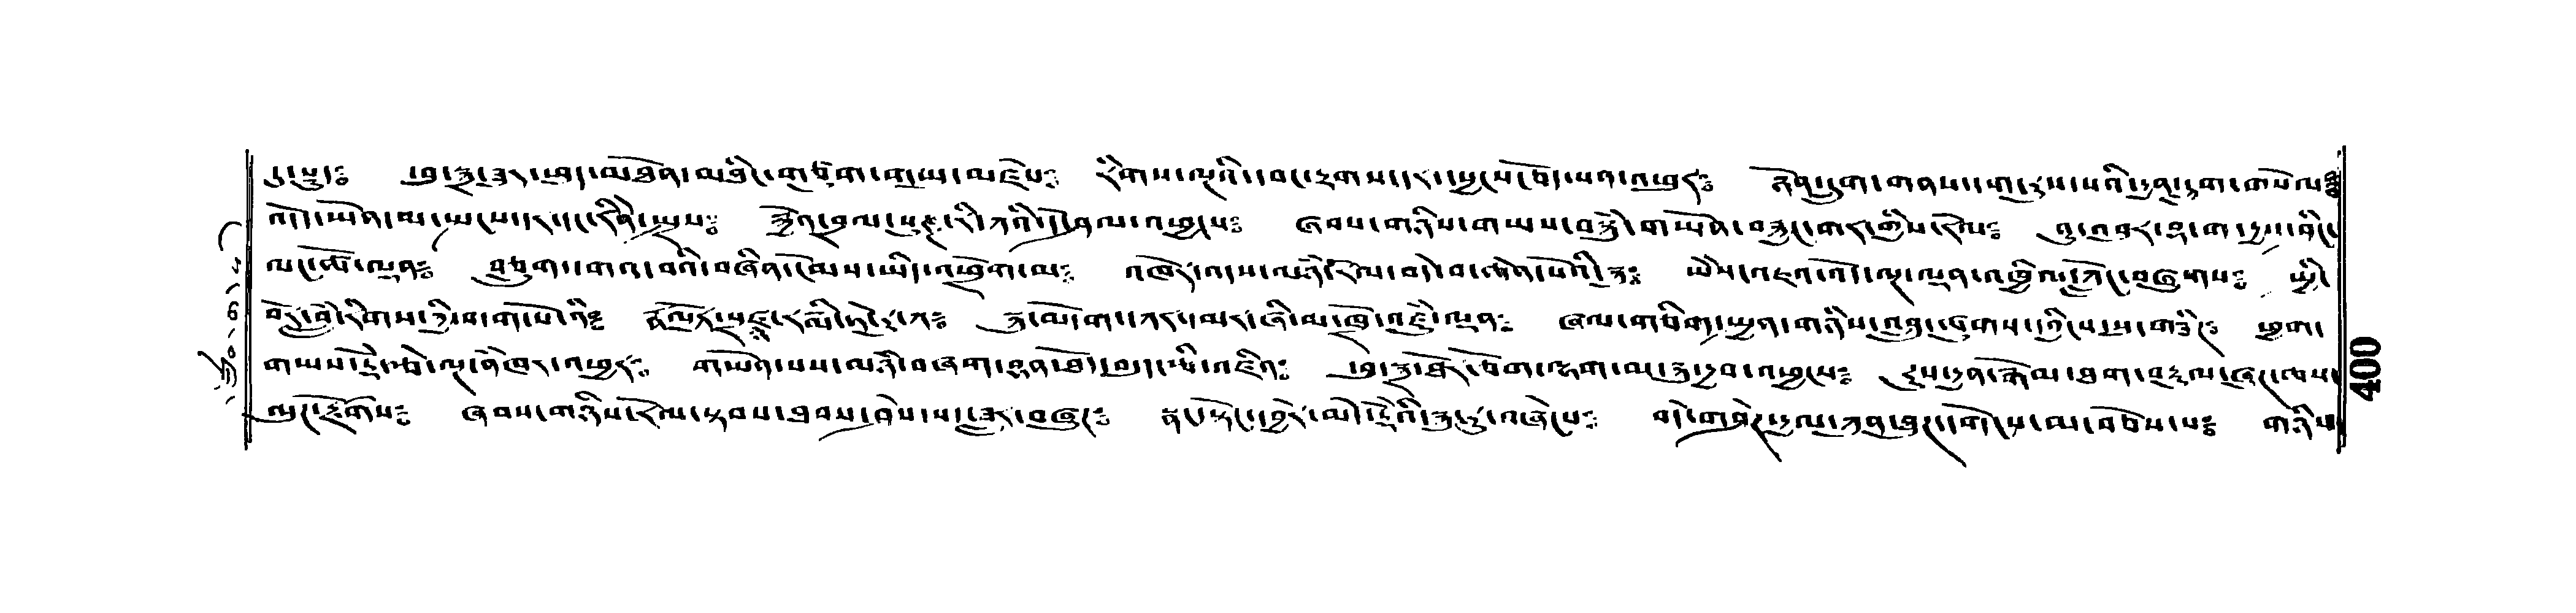དུ་སྡུད༔ དབུ་སྐྲ་ཟུར་ཕུད་མཐོན་མཐིང་གཙུག་གཡུ་མཛེས༔ རིགས་ལྔའི་དབང་རྟགས་དར་དཔྱངས་ཅོད་པན་འཕུར༔ ཉོན་དྲུག་གནས་དག་རུས་པའི་རྒྱན་དྲུག་གསོལ༔ 
འདོད་ཡོན་མ་སྤངས་དར་དང་རིན་ཆེན་སྤྲས༔ སྐྱོན་བྲལ་པུཎྜ་རི་ཀའི་དོ་ཤལ་འཕྱངས༔ ཞབས་གཉིས་གཡས་བསྐུམ་གཡོན་བརྐྱང་གར་གྱིས་རོལ༔ ནུ་འབུར་བྷ་ག་རྒྱས་ཤིང་
ལང་ཚོ་ལྡན༔ བཅུ་དྲུག་དགའ་བའི་བཞིན་ངོམས་ཡིད་འཕྲོག་མ༔ འཁོར་འདས་མཉམ་རོལ་བདེ་བ་ཆེན་པོའི་སྐུ༔ ཡེ་ཤེས་འཇའ་འོད་ལྔ་ལྡན་འཁྱིལ་ཀློང་བཞུགས༔ སྤྱི་
བོར་བླ་མ་རིགས་ཀྱི་བདག་པོ་ནི༔ རྣལ་འབྱོར་པྲཛྙཱ་རསྨི་ཧེ་རུ་ཀ༔ སྐུ་མདོག་དཀར་དམར་ཞི་མ་ཁྲོ་འཛུམ་ལྡན༔ ཞལ་གཅིག་སྤྱན་གཉིས་འབྲུ་ཚུགས་དབྱིངས་སུ་གཟིགསཿ ཕྱག་
གཡས་རྡོ་རྗེ་རྩེ་ལྔ་ནམ་མཁར་འཕྱར༔ གཡོན་པས་མཉམ་བཞག་བྷན་ཐོད་བདུད་རྩི་འཛིན༔དབུ་སྐྲ་ཐོར་ཅོག་ལྷག་མ་སྐུ་རྒྱབ་འཕྱངས༔ རུས་རྒྱན་སྒོམ་ཐག་བརྟུལ་ཞུགས་ཆ་
ལུགས་རྫོགས༔ ཞབས་གཉིས་རོལ་སྟབས་ཐབས་ཤེས་པད་ཟླར་བཞུགས༔ སྣང་སྟོང་དབྱེར་མེད་རྡོ་རྗེའི་སྐུ་རུ་བཞེངས༔ བདེ་གཤེགས་རྒྱལ་ཀུན་ཐུགས་དགོངས་མ་བཅོས་པ༔ གཉིས་